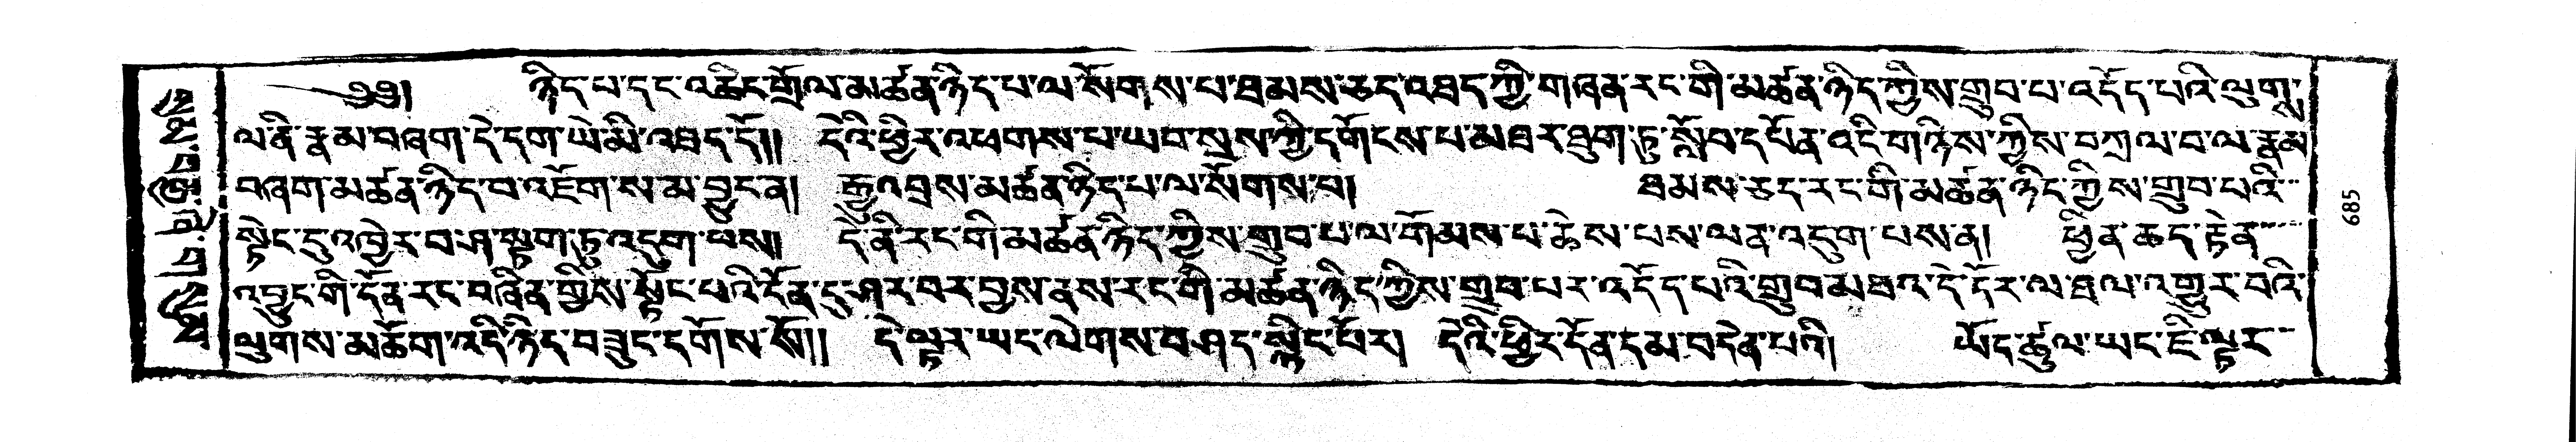༄༅། །ཉིད་པ་དང་འཆིང་གྲོལ་མཚན་ཉིད་པ་ལ་སོགས་པ་ཐམས་ཅད་འཐད་ཀྱི་གཞན་རང་གི་མཚན་ཉིད་ཀྱིས་གྲུབ་པ་འདོད་པའི་ལུགས་
ལ་ནི་རྣམ་བཞག་དེ་དག་ཡེ་མི་འཐད་དོ། །དེའི་ཕྱིར་འཕགས་པ་ཡབ་སྲས་ཀྱི་དགོངས་པ་མཐར་ཐུག་ཏུ་སློབ་དཔོན་འདི་གཉིས་ཀྱིས་བཀྲལ་བ་ལ་རྣམ་
བཞག་མཚན་ཉིད་བ་འཇོག་ས་མ་བྱུང་ན། རྒྱུ་འབྲས་མཚན་ཉིད་པ་ལ་སོགས་པ། ཐམས་ཅད་རང་གི་མཚན་ཉིད་ཀྱིས་གྲུབ་པའི་
སྟེང་དུ་འཁྱེར་བ་ཤ་སྟག་ཏུ་འདུག་པས། དེ་ནི་རང་གི་མཚན་ཉིད་ཀྱིས་གྲུབ་པ་ལ་གོམས་པ་ཆེས་པས་ལན་འདུག་པས་ན། ཕྱིན་ཆད་རྟེན་
འབྱུང་གི་དོན་རང་བཞིན་གྱིས་སྟོང་པའི་དོན་དུ་ཤར་བར་བྱས་ནས་རང་གི་མཚན་ཉིད་ཀྱིས་གྲུབ་པར་འདོད་པའི་གྲུབ་མཐའ་དེ་དོར་ལ་ཐལ་འགྱུར་བའི་
ལུགས་མཆོག་འདི་ཉིད་བཟུང་དགོས་སོ། །དེ་ལྟར་ཡང་ལེགས་བཤད་སྙིང་པོར། དེའི་ཕྱིར་དོན་དམ་བདེན་པའི། ཡོད་ཚུལ་ཡང་ཇི་ལྟར་